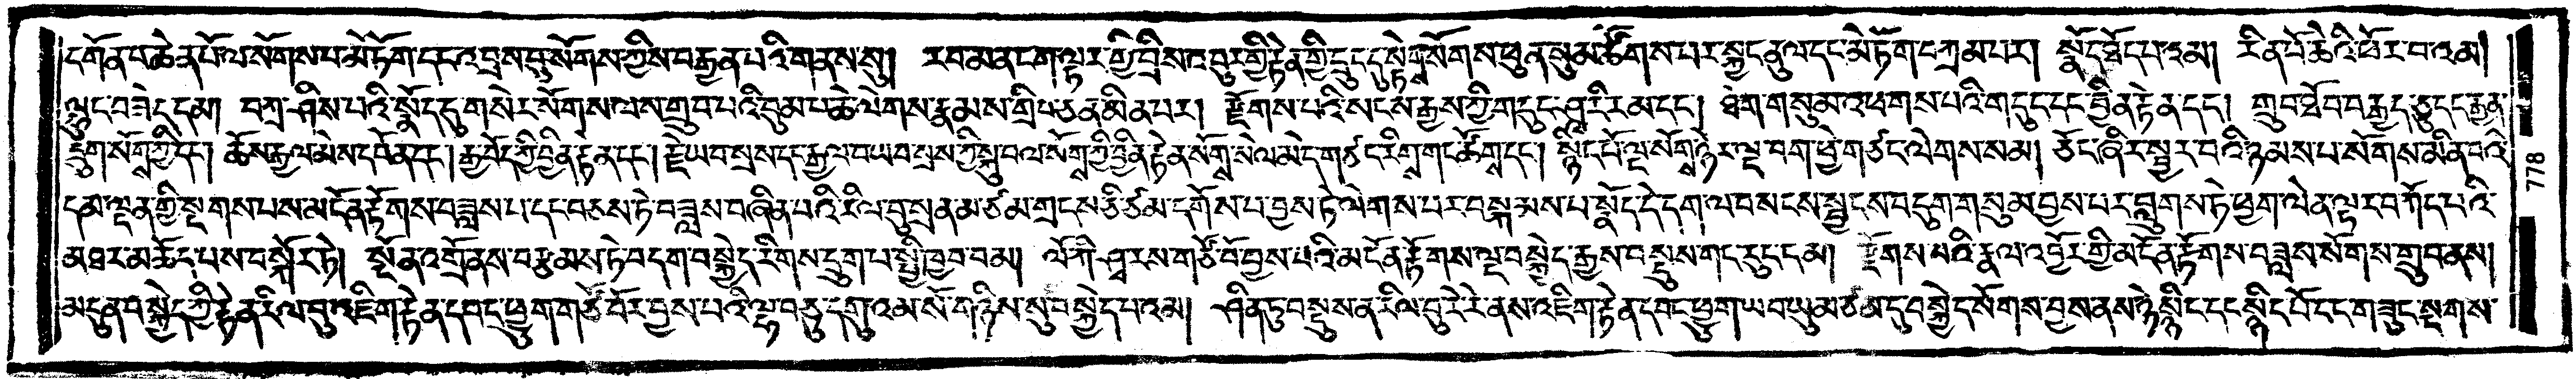དགོན་པ་ཆེན་པོ་ལ་སོགས་པ་མེ་ཏོག་དང་འབྲས་བུ་སོགས་ཀྱིས་བརྒྱན་པའི་གནས་སུ། རབ་མན་ངག་ལྟར་གྱི་བྲིས་འབུར་གྱི་རྟེན་གྱི་དྲུང་དུ་སྟེགས་སོགས་ཕུན་སུམ་ཚོགས་པར་སྐྱང་ནུལ་དང་མེ་ཏོག་བཀྲམ་པར། སྣོད་ཐོད་པའམ། རིན་བོ་ཆེའི་འཕོར་བའམ།
ལང་བཟེད་དམ། བཀྲ་ཤིས་པའི་སྣོད་དུ་གསེར་སོགས་ལས་གྲུབ་པའི་བུམ་པ་ཆེ་ལེགས་རྣམས་གྲིབ་ཅན་མིན་པར། རྫོགས་པའི་སངས་རྒྱས་ཀྱི་གདུང་ཤ་རིར་མ་དང་། ཐེག་གསུམ་འཕགས་པའི་གདུང་དང་བྱིན་རྟེན་དང་། གྲུབ་ཐོབ་བརྒྱད་ཅུ་དང་རྒྱན་
དྲུག་སོགས་ཀྱི་དང་། ཆོས་རྒྱལ་མེས་དབོན་དང་། །རྒྱ་བོད་ཀྱི་བྱིན་རྟེན་དང་། རྗེ་ཡབ་སྲས་དང་རྒྱལ་བ་ཡབ་སྲས་ཀྱི་སྐུ་ལ་སོགས་ཀྱི་བྱིན་རྟེན་སོགས་སེལ་མེད་གཙང་རིགས་གང་ཚོགས་དང་། སྙིང་པོ་ལྔ་སོགས་ཉེར་ལྔ་བག་ཕྱེ་གཙང་ལེགས་སམ། ཅོང་ཞིར་སྦྱར་བའི་ཉམས་པ་སོགས་མེན་བའི་
དམ་ལྡན་གྱི་སྔགས་པས་མདོན་རྟོགས་བཟླས་པ་དང་བཅས་ཏེ་བཟླས་བཞིན་པའི་རིལ་བུ་སྲན་མ་ཙམ་གྲངས་ཅི་ཙམ་དགོས་པ་བྱས་ཏེ་ལེགས་པར་བསྐམས་པ་སྣོད་དེ་དག་ལ་བསངས་སྦྱངས་བ་དུག་གསུམ་བྱས་པར་བླུགས་ཏེ་ཕྱག་ལེན་ལྟར་བཀོད་པའི་
མཐར་མཆོད་པས་བསྐོར་ཏེ། སྔོན་འགྲོ་ནས་བརྩམས་ཏེ་བདག་བསྐྱེད་རིགས་དྲུག་པ་སྤྱི་ཁྱབ་བམ། ལོ་ཀི་ཤྭ་རས་གཙོ་བོ་བྱས་པའི་མངོན་རྟོགས་ལྔ་བསྐྱེད་རྒྱས་བསྡུས་གང་རུང་དམ། རྫོགས་པའི་རྣལ་འབྱོར་གྱི་མངོན་རྟོགས་བཟླས་སོགས་གྲུབ་ནས།
མདུན་བསྐྱེད་ཀྱི་རྟེན་རིལ་བུ་འཇིག་རྟེན་དབང་ཕྱུག་གཙོ་བོར་བྱས་པའི་ལྷ་བཅུ་དགུའམ་སོ་གཉིས་སུ་བསྐྱེད་པའམ། ཤིན་ཏུ་བསྡུས་ན་རིལ་བུ་རེ་རེ་ནས་འཇིག་རྟེན་དབང་ཕྱུག་ཡང་ཡུམ་ཙམ་དུ་བསྐྱེད་སོགས་བྱས་ནས་དེ་སྙིང་དང་སྙིང་པོ་དང་བཟུང་སྔགས་